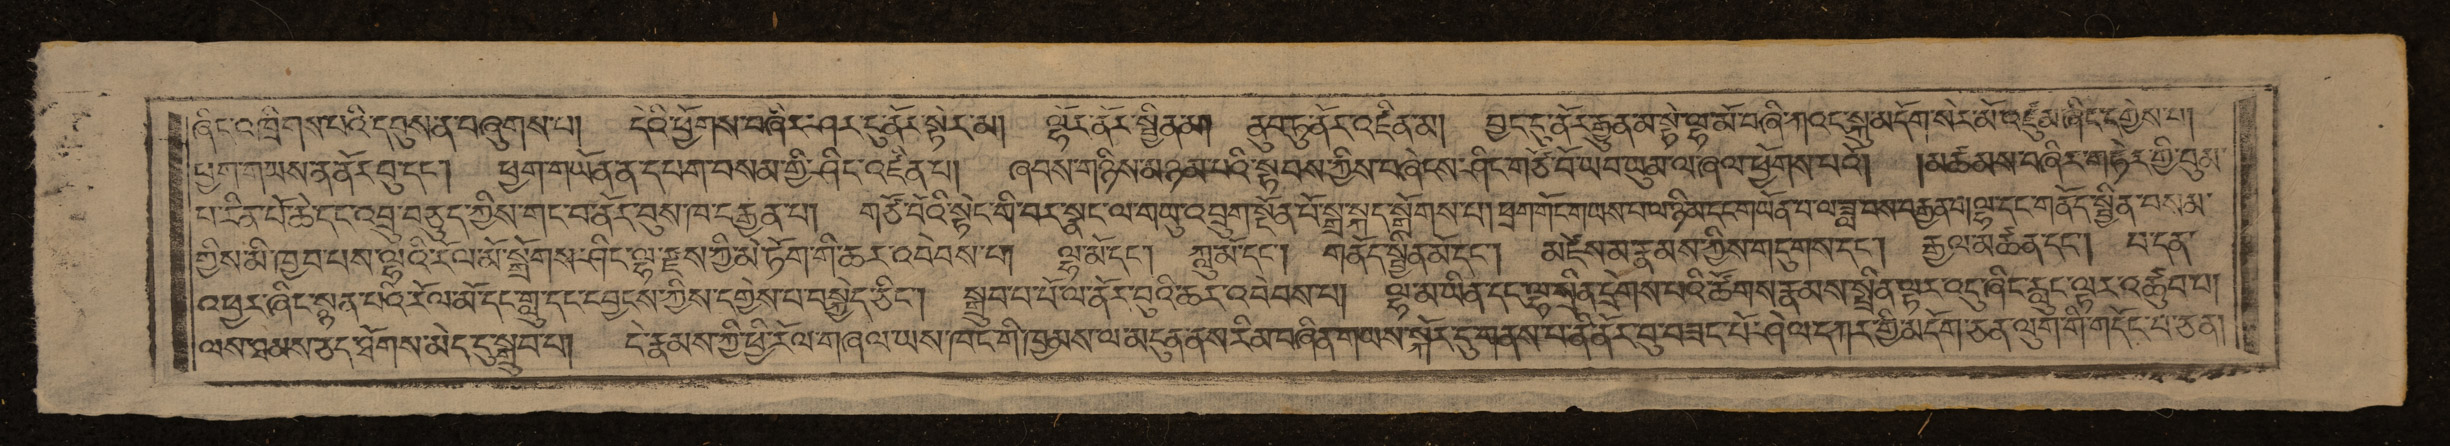ཞིང་འཁྲིགས་པའི་དབུས་ན་བཞུགས་པ། དེའི་ཕྱོགས་བཞིར་ཤར་དུ་ནོར་སྟེར་མ། ལྷོར་ནོར་སྦྱིན་མ། ནུབ་ཏུ་ནོར་འཛིན་མ། བྱང་དུ་ནོར་རྒྱུན་མ་སྟེ་ལྷ་མོ་བཞི་ཀའང་སྐུ་མདོག་སོར་མོ་འཛུམ་ཞིང་དགྱེས་པ།
ཕྱག་གཡས་ན་ནོར་བུ་དང་། ཕྱག་གཡོན་ན་དཔག་བསམ་གྱི་ཤིང་འཛིན་པ། ཞབས་གཉིས་མཉམ་པའི་སྟབས་ཀྱིས་བཞེངས་ཤིང་གཙོ་བོ་ཡབ་ཡུམ་ལ་ཞལ་ཕྱོགས་པའོ། །མཚམས་བཞིར་གཏེར་གྱི་བུམ་
པ་རིན་པོ་ཆེ་དང་འབྲུ་བཅུད་ཀྱིས་གང་བ་ནོར་བུས་ཁ་བརྒྱན་པ། གཙོ་བོའི་སྟེང་གི་བར་སྣང་ལ་གཡུ་འབྲུག་སྔོན་པོ་སྒྲ་སྐད་སྒྲོགས་པ། ཕྲག་གོང་གཡས་པ་ལ་ཉི་མ་དང་གཡོན་པ་ལ་ཟླ་བས་བརྒྱན་པ། ལྷ་དང་གནོད་སྦྱིན་བསམ་
གྱིས་མི་ཁྱབ་པས་ལྷའི་རོལ་མོ་སྒྲོགས་ཤིང་ལྷ་རྫས་ཀྱི་མེ་ཏོག་གི་ཆར་འབེབས་པ། ལྷ་མོ་དང་། ཀླུ་མོ་དང་། གནོད་སྦྱིན་མོ་དང་། མཛེས་མ་རྣམས་ཀྱིས་གདུགས་དང་། རྒྱལ་མཚན་དང་། བ་དན་
འཕྱར་ཞིང་སྙན་པའི་རོལ་མོ་དང་གླུ་དང་དབྱངས་ཀྱིས་དགྱེས་པ་བསྐྱེད་ཅིང་། སྒྲུབ་པ་པོ་ལ་ནོར་བུའི་ཆར་འབེབས་པ། ལྷ་མ་ཡིན་དང་ལྷ་སྲིན་དྲེགས་པའི་ཚོགས་རྣམས་སྤྲིན་ལྟར་འདུ་ཞིང་རླུང་ལྟར་འཚུབ་པ།
ལས་ཐམས་ཅད་ཐོགས་མེད་དུ་སྒྲུབ་པ། དེ་རྣམས་ཀྱི་ཕྱི་རོལ་གཞལ་ཡས་ཁང་གི་ཁྱམས་ལ་མདུན་ནས་རིམ་བཞིན་གཡས་སྐོར་དུ་གནས་པ་ནི་ནོར་བུ་བཟང་པོ་ཤེལ་དཀར་གྱི་མདོག་ཅན་ལུག་གི་གདོང་བ་ཅན།